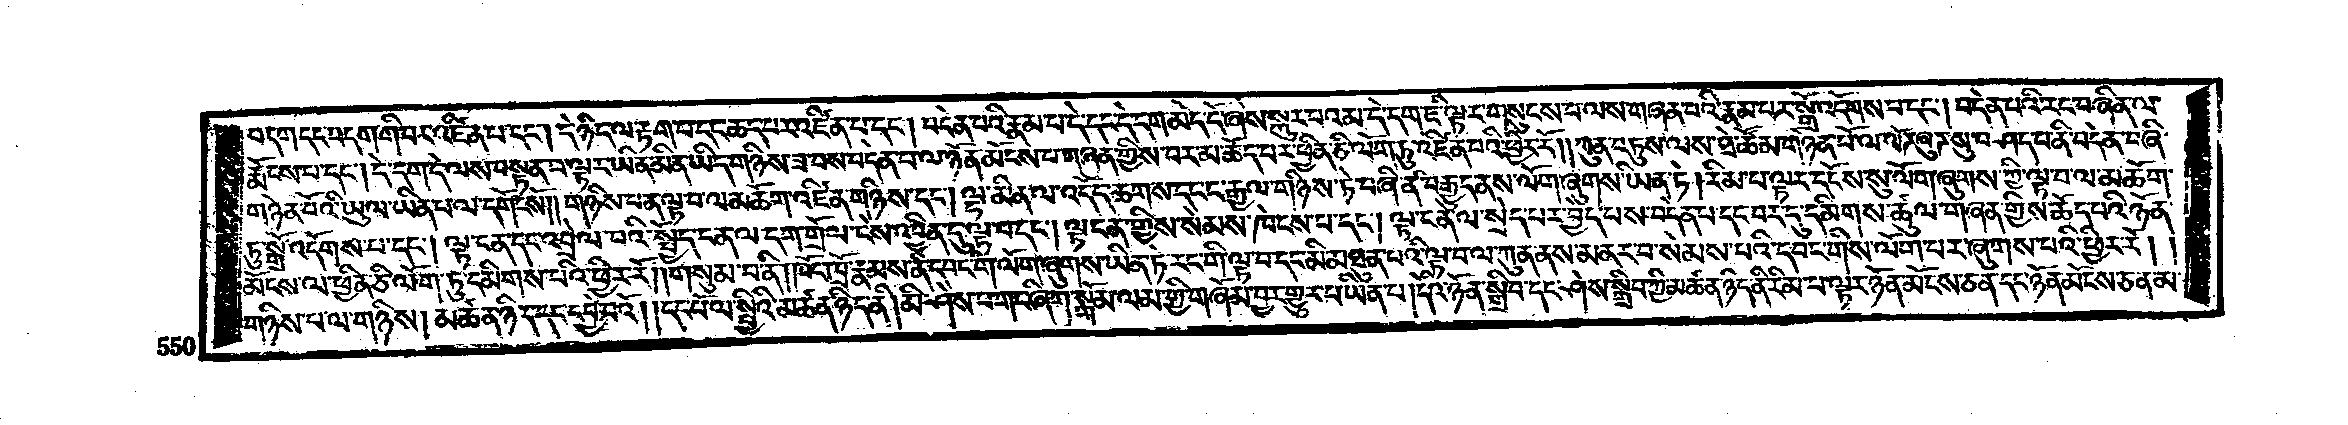བདག་དང་བདག་གི་བར་འཛིན་པ་དང་། དེ་ཉིད་པ་རྟག་པ་དང་ཆད་པར་འཛིན་པ་དང་། བདེན་པའི་རྣམ་པ་དེ་དང་དེ་དག་མེད་དོ་ཞེས་སྐུར་བའམ་དེ་དག་ཇི་ལྟར་གསུངས་པ་ལས་གཞན་པའི་རྣམ་པར་སྒྲོ་འདོགས་པ་དང་། བདེན་པའི་རང་བཞིན་ལ་
རྨོངས་པ་དང་། དེ་དག་དེ་ལས་བསྟན་པ་ལྟར་ཡིན་མིན་ཡིད་གཉིས་ཟ་བས་བདེན་པ་ལ་ཉོན་མོངས་པ་གཞན་གྱིས་བར་མ་ཆོད་པར་ཕྱིན་ཅི་ལོག་ཏུ་འཛིན་པའི་ཕྱིར་རོ། །ཀུན་བཏུས་ལས་ཐེ་ཚོམ་གཉེན་པོ་ལ་ལོགས་ཞུགས་སུ་བཤད་པ་ནི་བདེན་བཞི་
གཉེན་པོའི་ཡུལ་ཡིན་པ་ལ་དགོངས་སོ། །གཉིས་པ་ནི་ལྟ་བ་ལ་མཆོག་འཛིན་གཉིས་དང་། ལྟ་མིན་ལ་འདོད་ཆགས་དང་ང་རྒྱལ་གཉིས་ཏེ་བཞི་ནི་བརྒྱད་ནས་ལོག་ཞུགས་ཡིན་ཏེ། རིམ་པ་ལྟར་དངོས་སུ་ལོག་ཞུགས་ཀྱི་ལྟ་བ་ལ་མཆོག་
ཏུ་སྒྲོ་འདོགས་པ་དང་། ལྟ་ངན་དང་འབྲེལ་བའི་སྤྱོད་ངན་ལ་དག་གྲོལ་ངེས་འབྱིན་དུ་ལྟ་བ་དང་། ལྟ་ངན་གྱིས་སེམས་ཁེངས་པ་དང་། ལྟ་ངན་ལ་སྲེད་པར་བྱེད་པས་བདེན་པ་དང་བར་དུ་དམིགས་ཚུལ་གཞན་གྱིས་ཆོད་པའི་ཉོན་
མོངས་ལ་ཕྱིན་ཅི་ལོག་ཏུ་དམིགས་པའི་ཕྱིར་རོ། །གསུམ་པ་ནི། །ཁོང་ཁྲོ་རྣམས་ནི་དབང་གི་ལོག་ཞུགས་ཡིན་ཏེ་རང་གི་ལྟ་བ་དང་མི་མཐུན་པའི་ལྟ་བ་ལ་ཀུན་ནས་མནར་བ་སེམས་པའི་དབང་གིས་ལོག་པར་ཞུགས་པའི་ཕྱིར་རོ། །
གཉིས་པ་ལ་གཉིས། མཚན་ཉིད་དང་དབྱེ་བའོ། །དང་པོ་ལ་སྤྱིའི་མཚན་ཉིད་ནི། མི་ཤེས་པ་གང་ཞིག་སྒོམ་ལམ་གྱི་གཞོམ་བྱར་གྱུར་པ་ཡིན་པ། དེའི་ཉོན་སྒྲིབ་དང་ཤེས་སྒྲིབ་ཀྱི་མཚན་ཉིད་ནི་རིམ་པ་ལྟར་ཉོན་མོངས་ཅན་དང་ཉོན་མོངས་ཅན་མ་